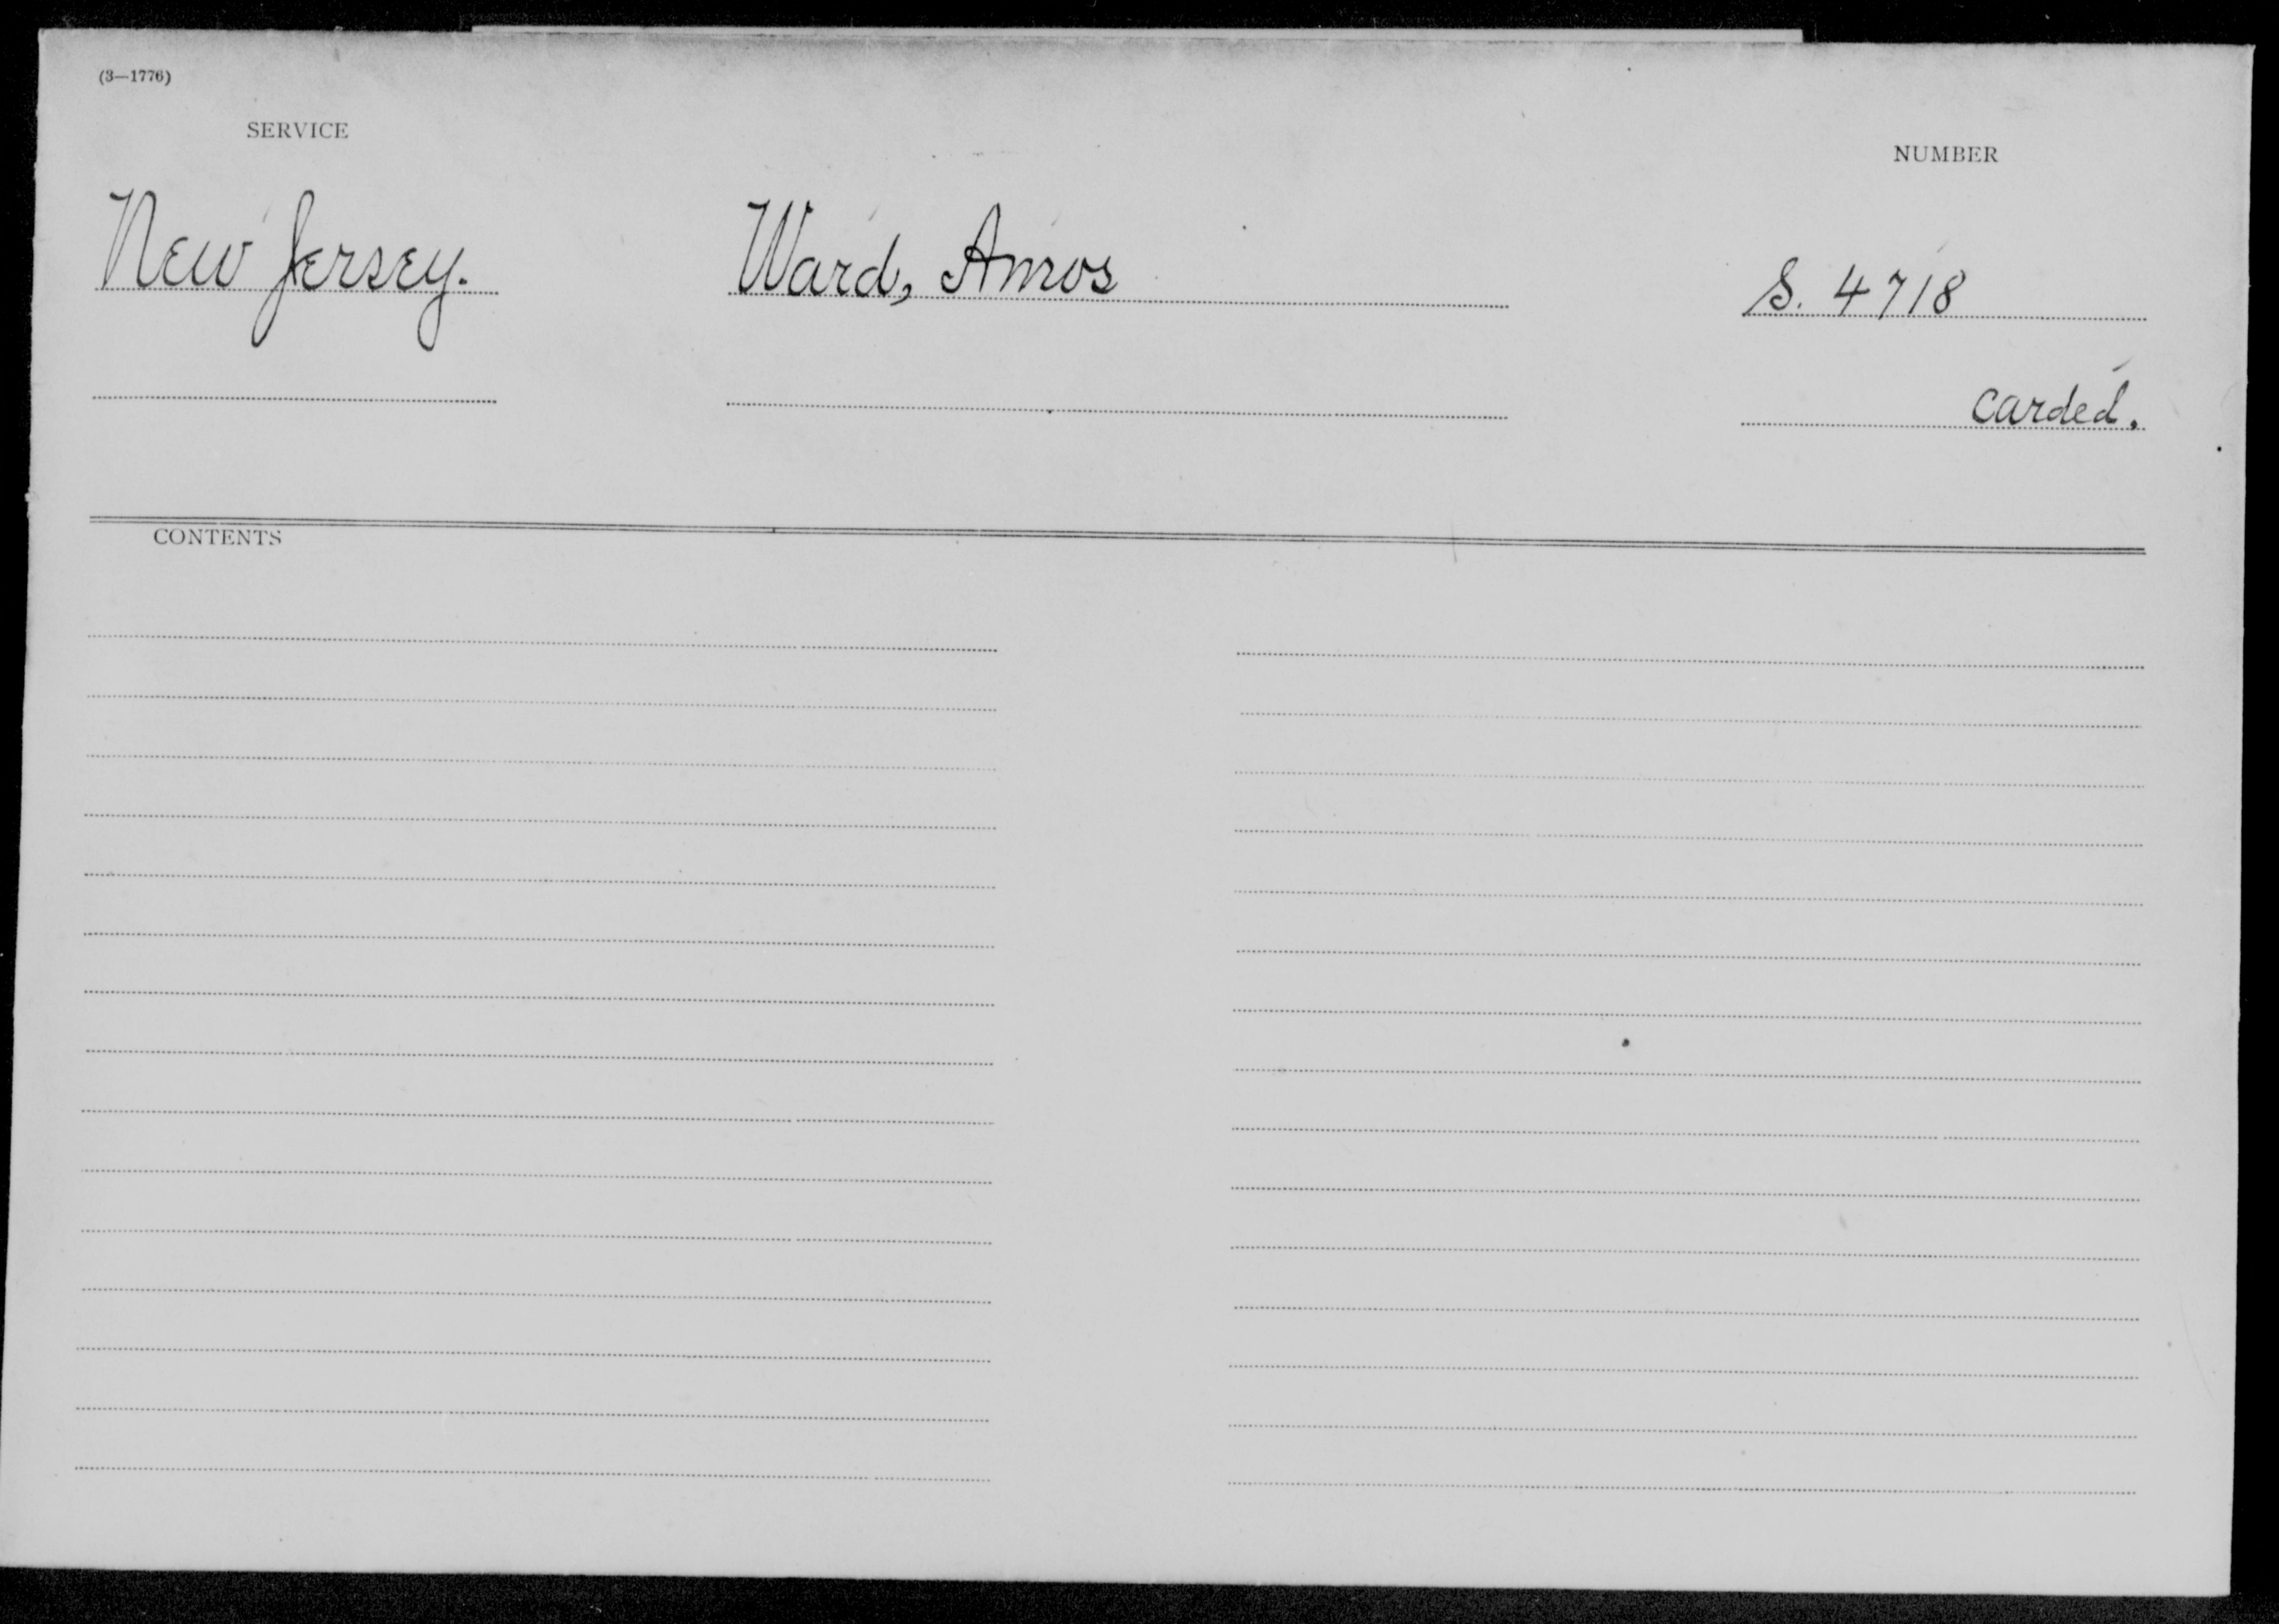(3-1776)

SERVICE    New Jersey.
Ward, Amos
NUMBER    S. 4718
carded.

CONTENTS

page: 1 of 18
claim: survivor's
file: S. 4718, Amos Ward, New Jersey